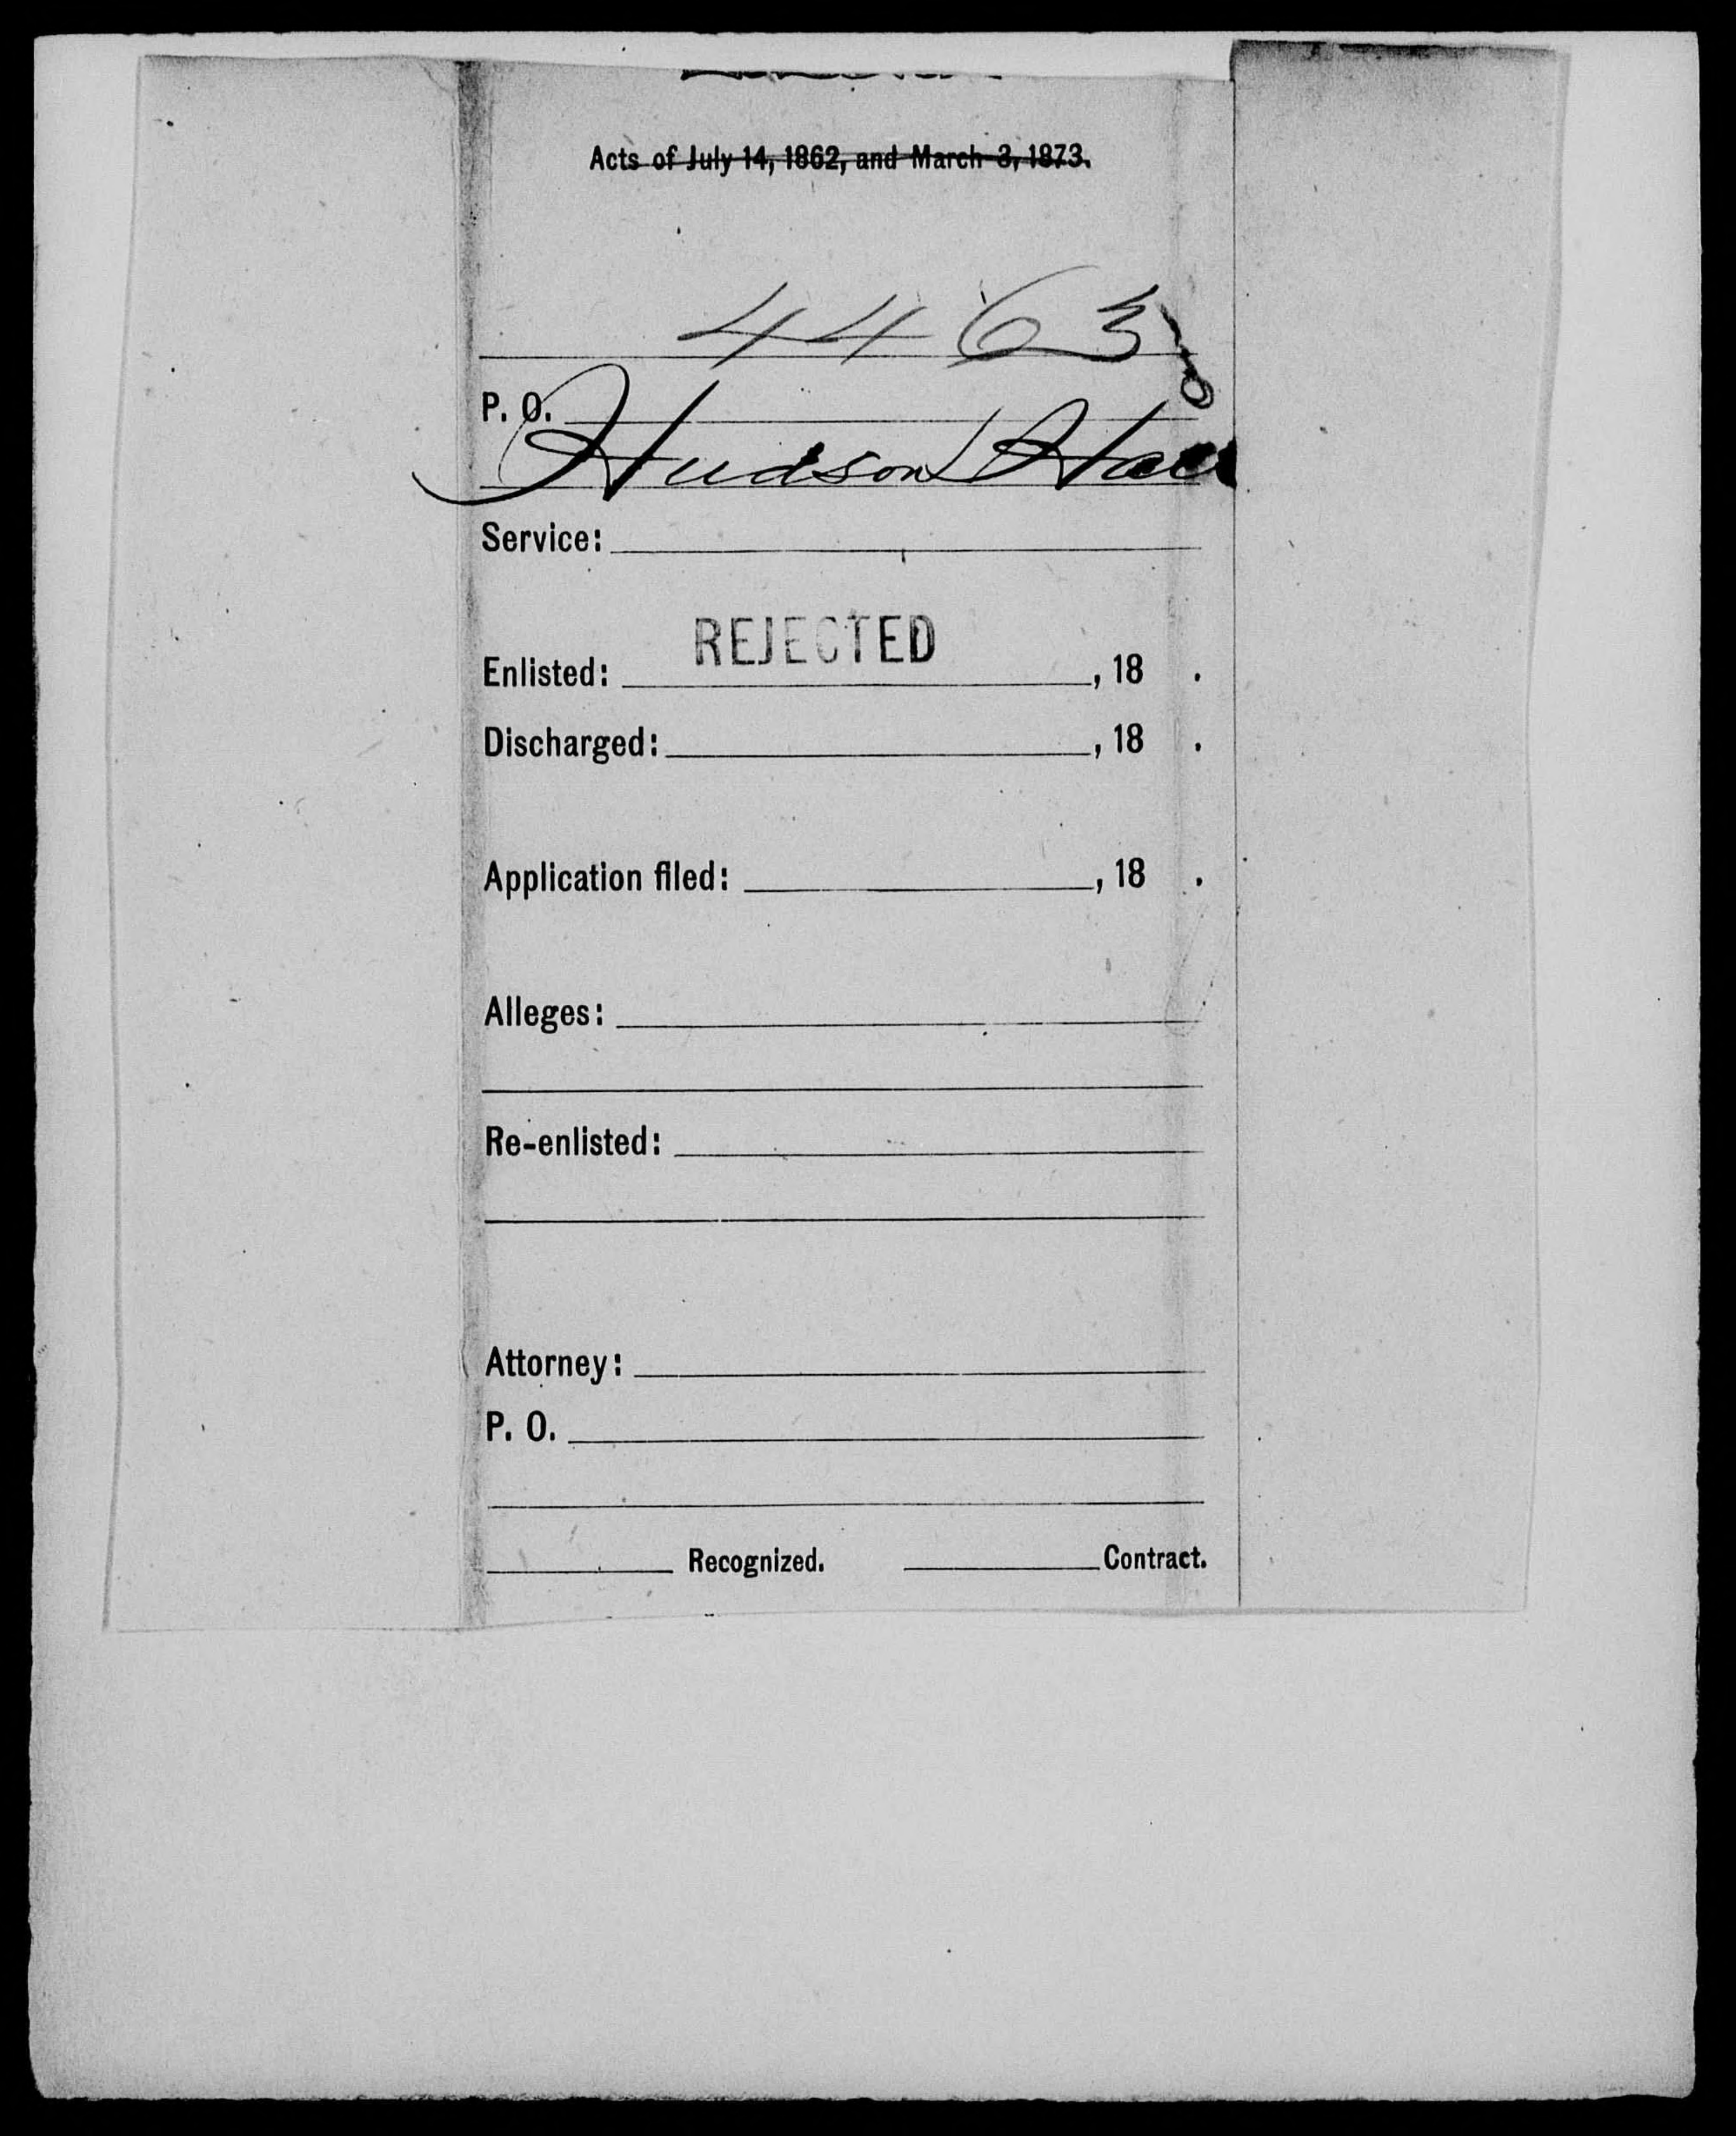Acts of July 14, 1862, and March 3, 1873
[Strike through of the above line]

4463
P. O.
Hudson Hall
Service:
Enlisted:  REJECTED, 18  .
Discharged:             , 18  .
Application filed:          , 18  .

Alleges:
Re-enlisted:

Attorney:
P.O.
Recognized.  Contract.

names: Hudson Hall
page: 12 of 14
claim: rejected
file: R. 4463, Hall Hudson, S.C.